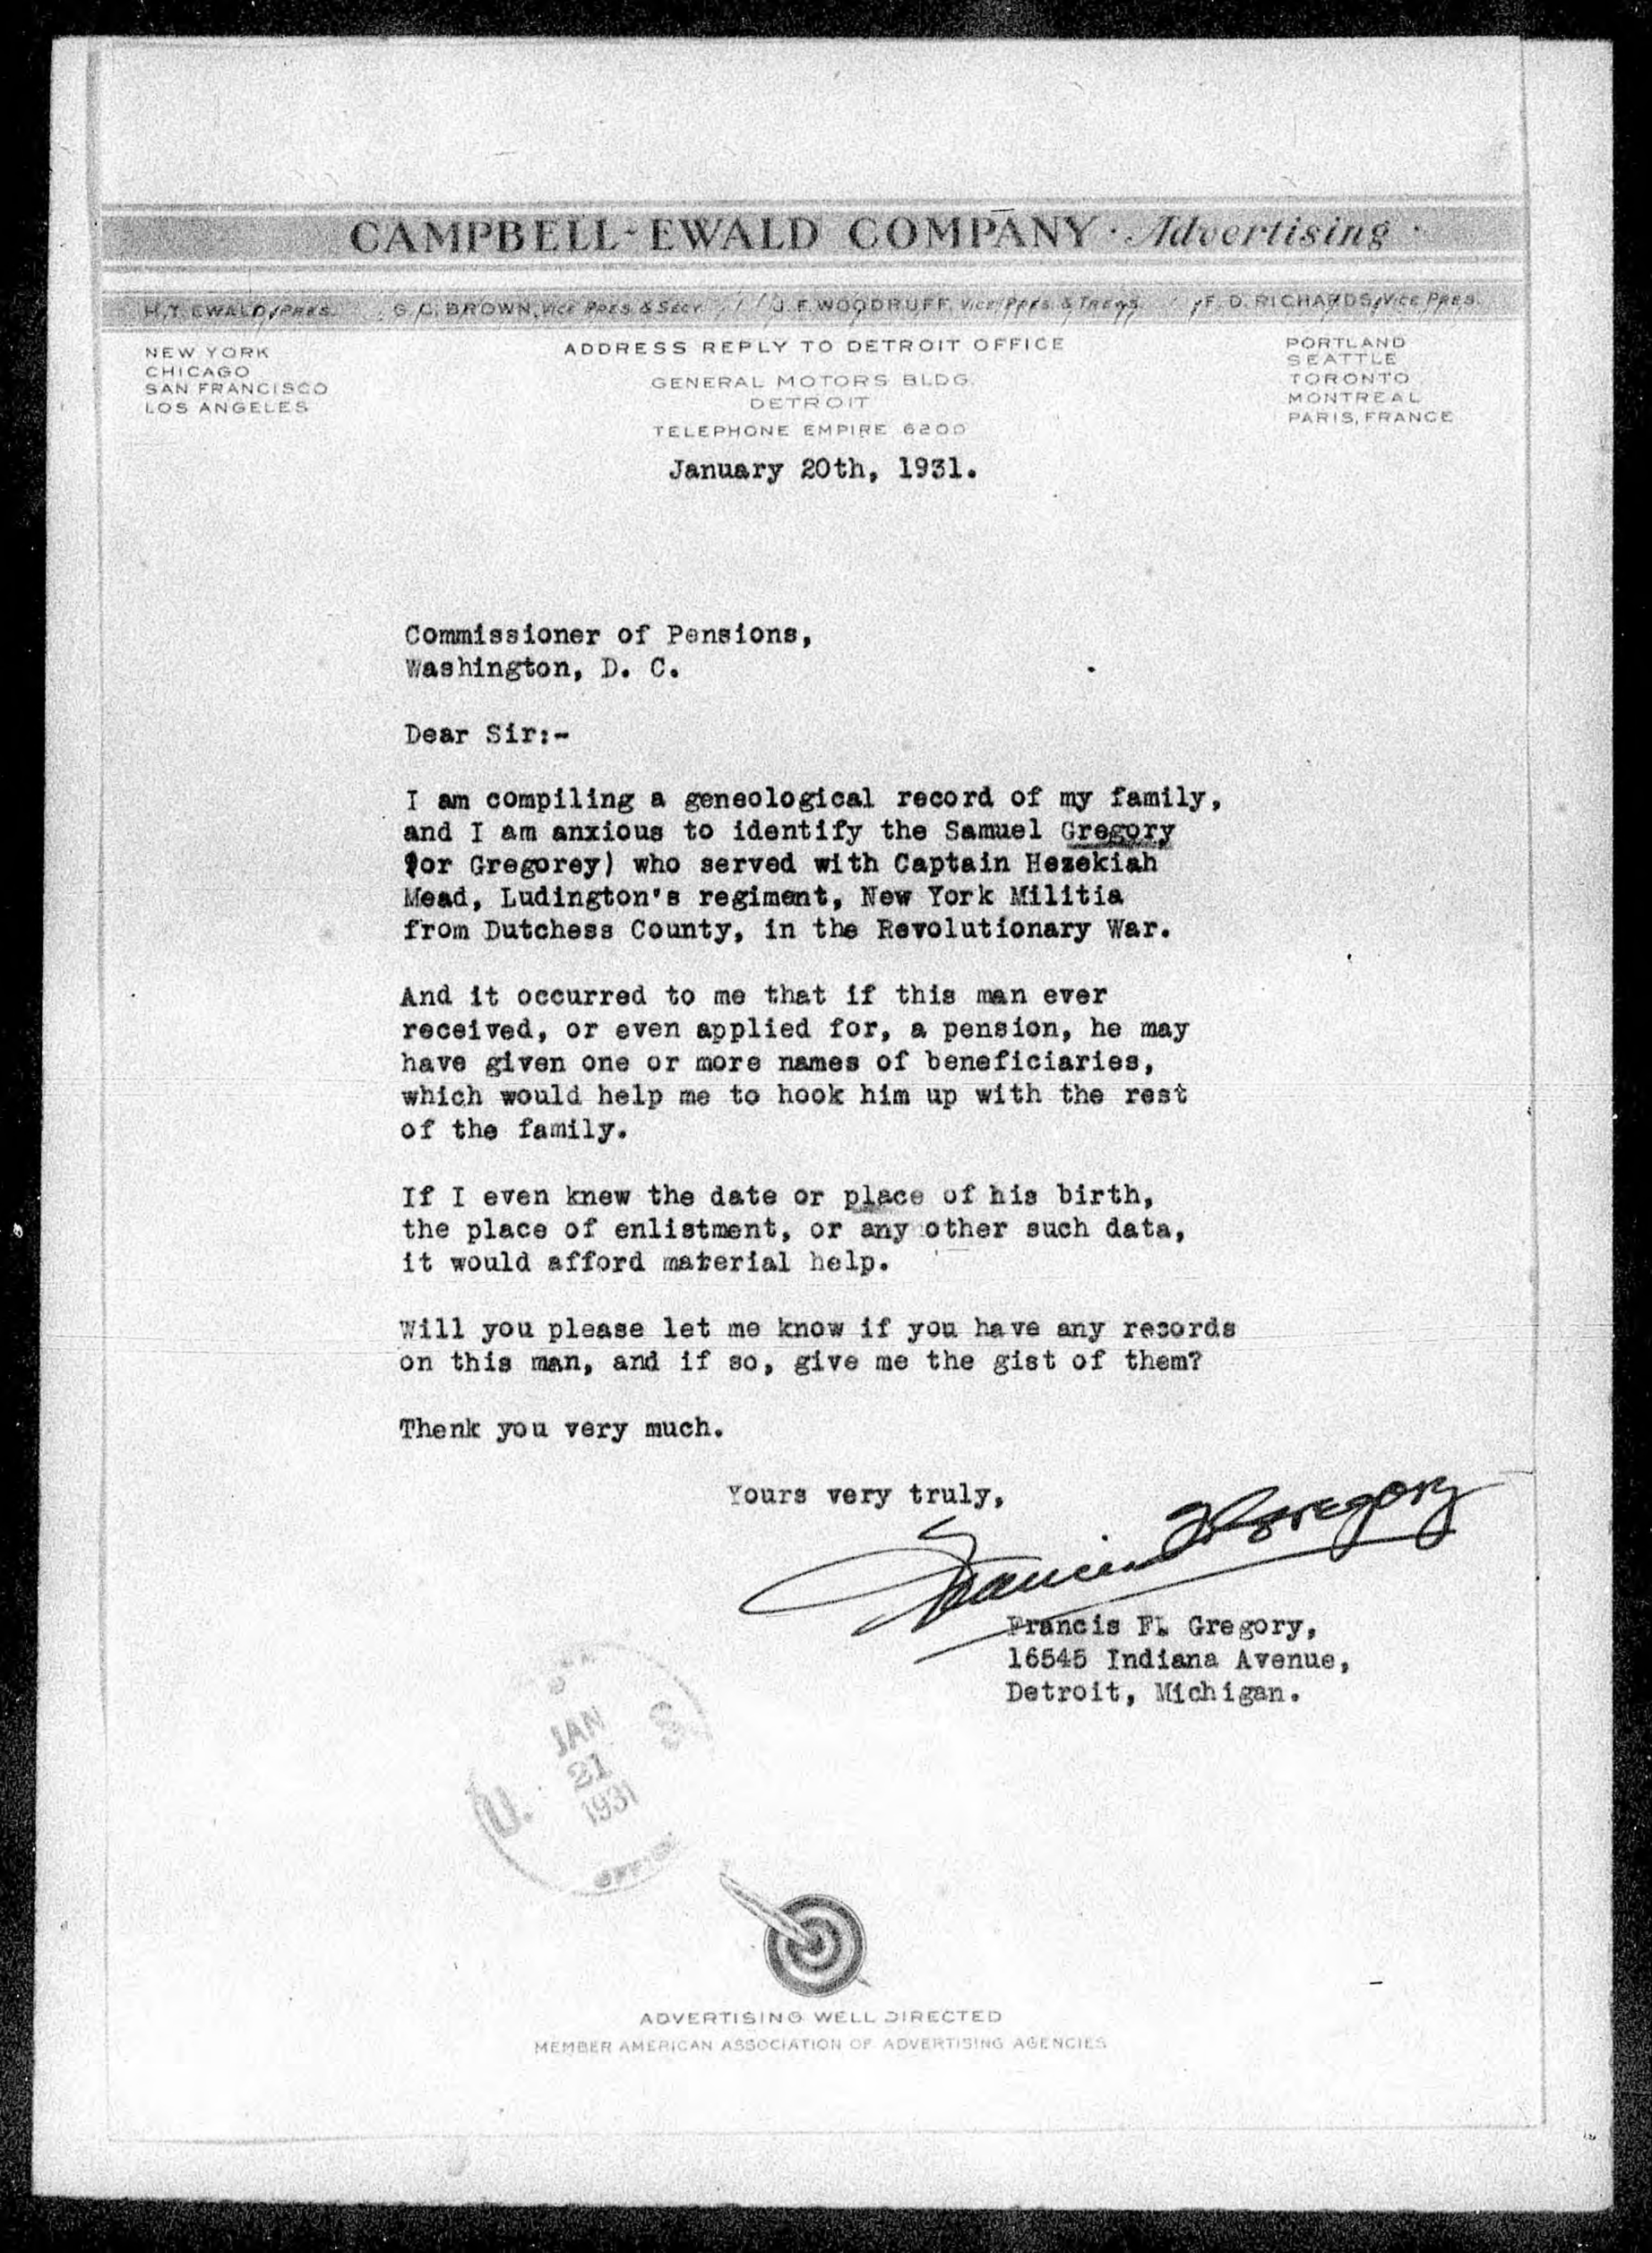CAMPBELL-EWALD COMPANY Advertising [letterhead]

January 20, 1931.

Commissioner of Pensions,
Washington, D.C. 

Dear Sir: -

I am compiling a genealogical record of my family, and I am anxious to identify the Samuel Gregory (or Gregorey) who served with Captain Hezekiah Mead, Ludington's regiment, New York Militia for Dutchess County, in the Revolutionary War.

And it occurred to me that if this man ever received, or even applied for, a pension, he may have given one or more names of beneficiaries, which would help me to hook him up with the rest of the family.

If I even knew the date or place of his birth, the place of enlistment, or any other such data, it would afford material help.

Will you please let me know if you have any records on this man, and if so, give me the gist of them?

Thank you very much.

Yours very truly,

Francis F. Gregory,
16545 Indiana Avenue,
Detroit, Michigan.

[stamp]  US Pension Office Jan 21 1931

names: Francis F Gregory, H T Ewald, Samuel Gregory, Francis F Gregory, F D Richards, O E Woodruff, G C Brown, Hezekiah Mead, Samuel Gregorey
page: 30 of 66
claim: rejected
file: R. 4298, Samuel Gregory, New York